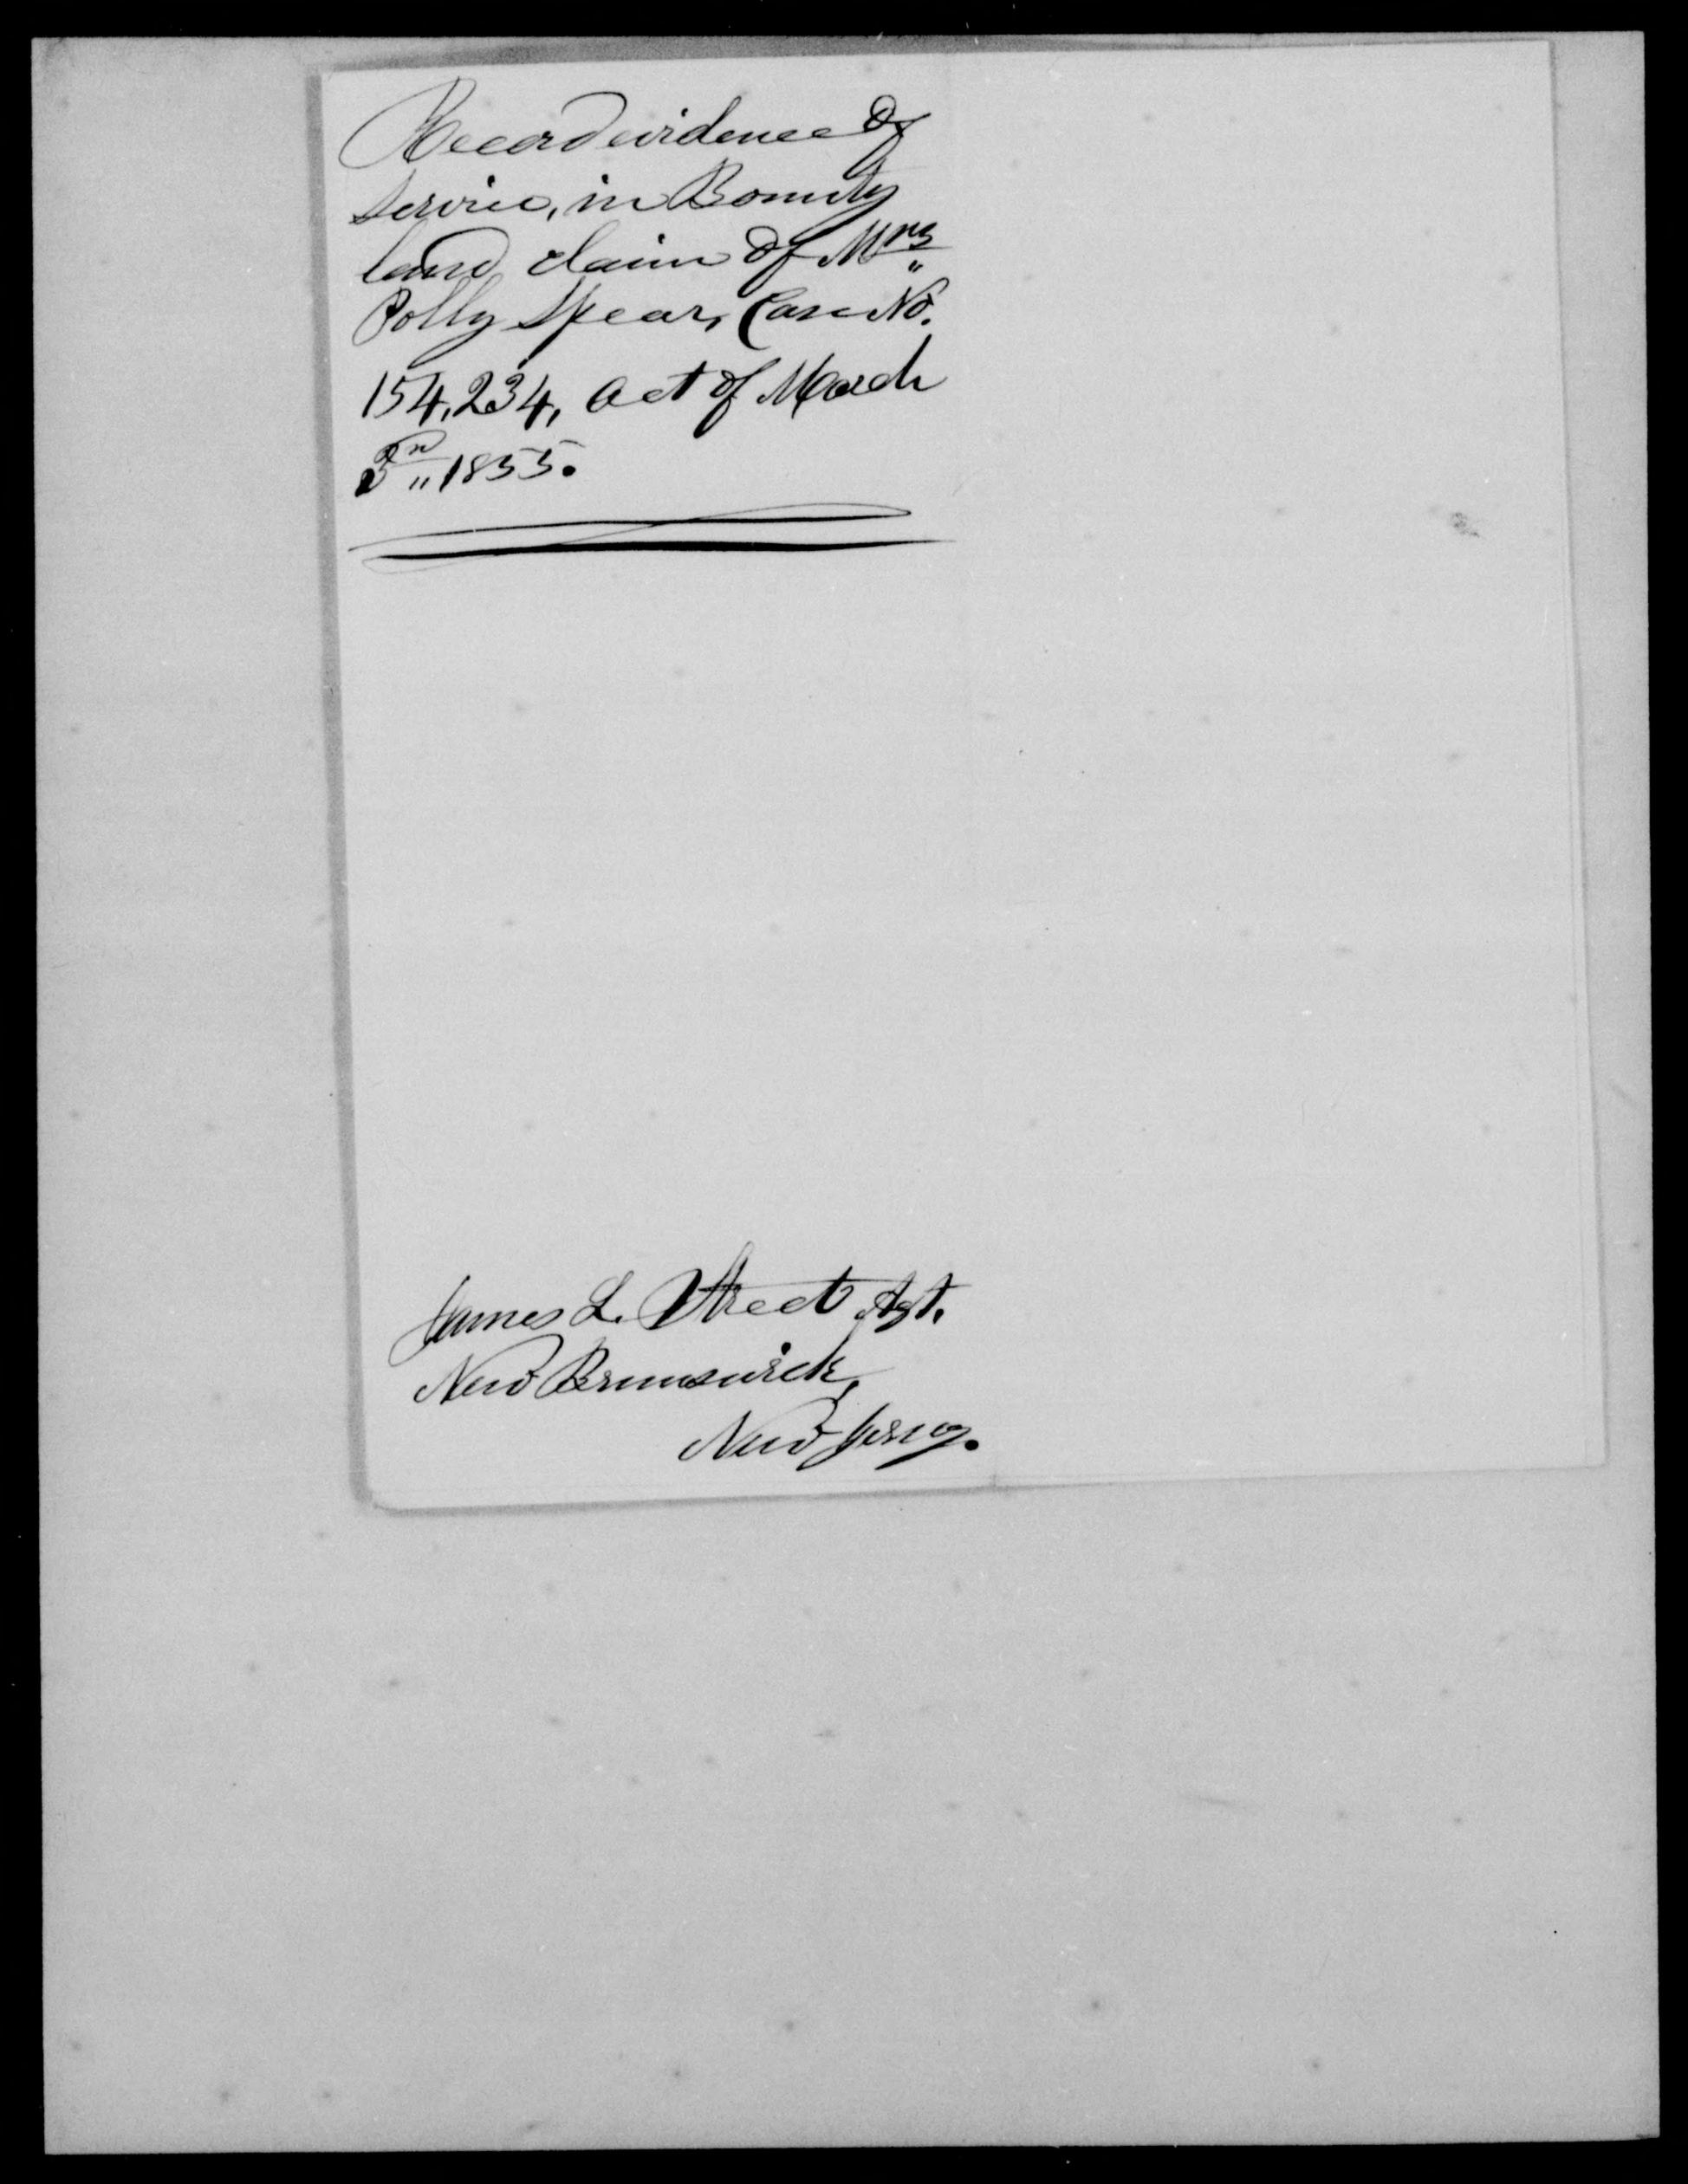Record evidence of
Service in Bounty
land claim of Mrs
Polly Spear Case No.
154,234, Act of March
3rd 1855.
James L. Street Agt.
New Brunswick
New Jersey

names: James L Street; Polly Spear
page: 27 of 65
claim: widow's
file: W. 7197, for Jonathan Spear, Vermont